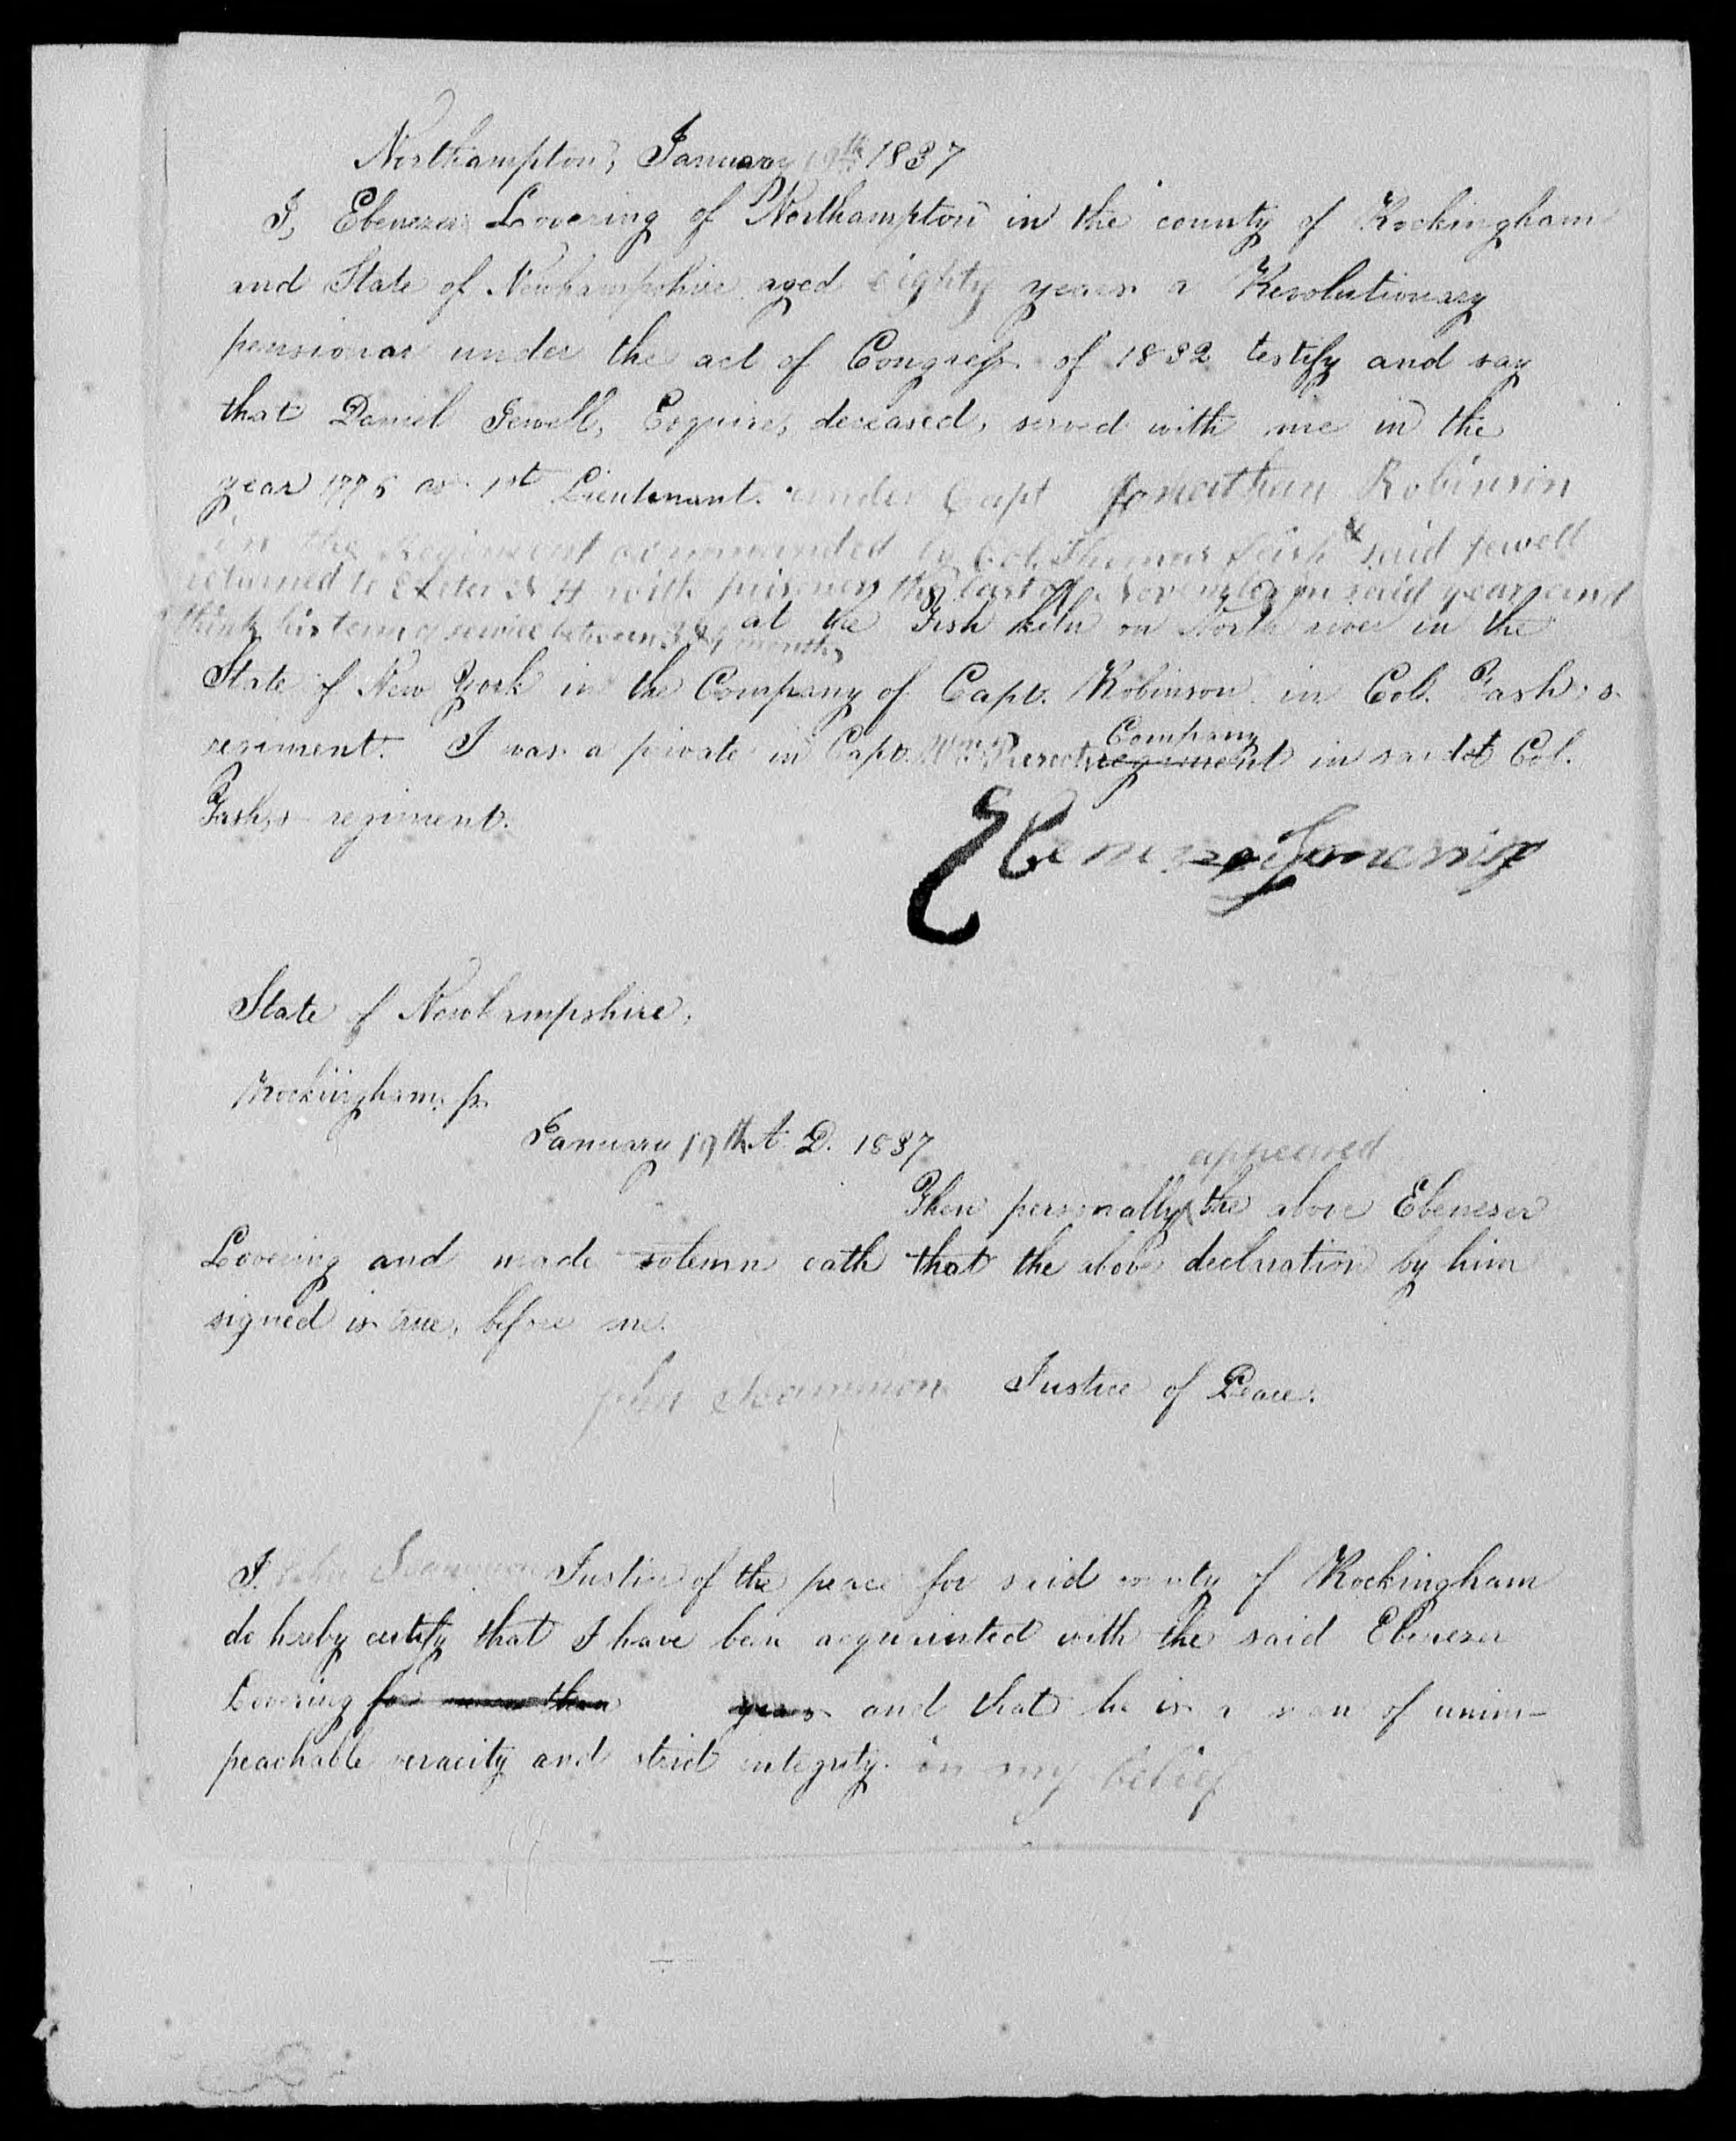Northampton [sic] January 19th 1837
I, Ebenezer Lovering of Northampton [sic] in the County of Rockingham and State of Newhampshire [sic] aged eighty years a Revolutionary pensioner under the act of Congress of 1832, testify and say that Daniel Jewell, Esquire deceased, served with me in the year 1776 as 1st Lieutenant under Capt Jonathan Robinson in the regiment commanded by Col. Thomas Stark Said Jewell returned to Exeter NH with prisoners the last part of January in said year and think his term of service between 3 & 4 months & at the Fish Kill on North river in the State of New York in the Company of Capt. Robinson in Col. Parks regiment. I was a private in Capt. [illegible] company in said Lieut. Col. Park's regiment.
Ebenezer Lovering

State of New Hampshire
Rockingham Ss. January 19th A.D. 1837
Then Personally appeared the above Ebenezer
Lovering and made solemn oath that the above declaration by him signed is true, before me. John Scammon Justice of Peace

I John Scammon Justice of the peace for said county of Rockingham do hereby certify that I have been acquainted with the said Ebenezer Lovering and that he is a man of unimpeachable veracity and strict integrity in my belief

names: Daniel Jewell; Ebenezer Lovering; John Scammon; Jonathan Robinson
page: 16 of 35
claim: survivor's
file: S. 10912, for Daniel Jewell, New Hampshire